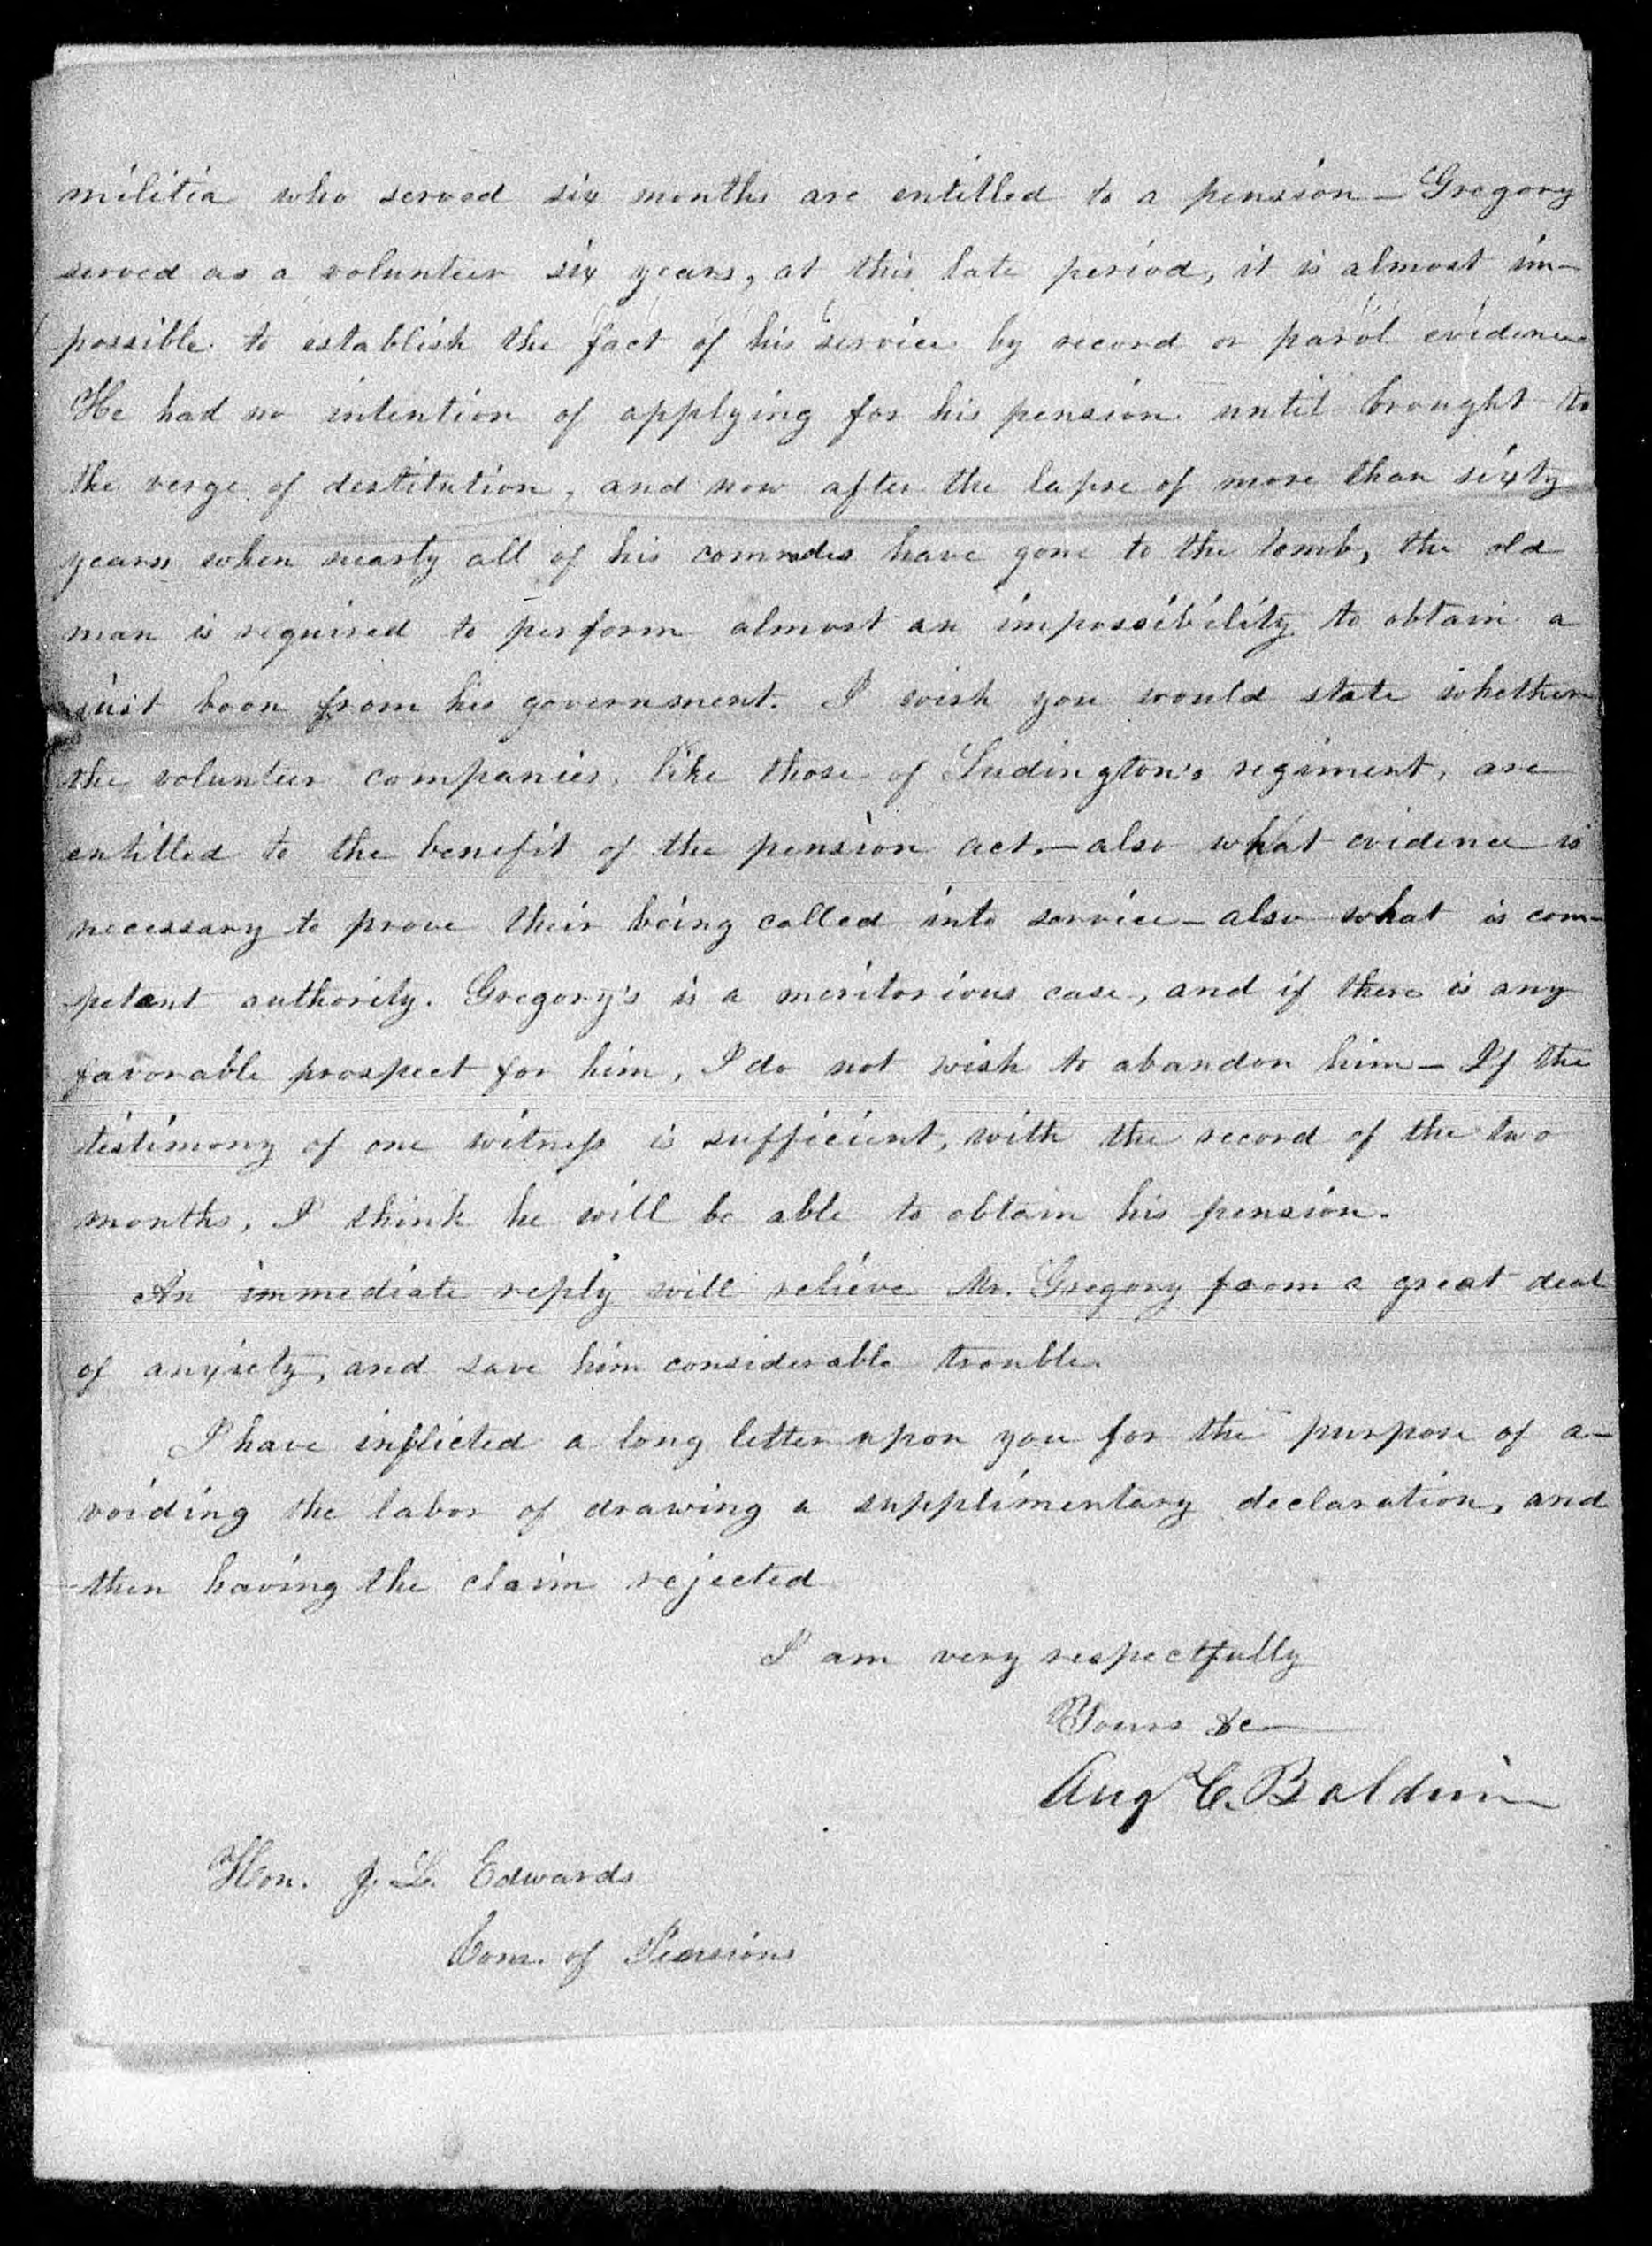militia who served six months are entitled to a pension - Gregory served as a volunteer six years, at this late period, it is almost impossible to establish the fact of his service by second or [illegible] evidence   He had no intention of applying for his pension until brought to the verge of destitution, and now after the lapse of more than sixty years when nearly all of his comrades have gone to the tomb, the old man is required to perform almost an impossibility to obtain a [illegible] from his government. I wish you would state whether the volunteer companies, like those of Ludington's regiment, are entitled to the benefit of the pension act - also what evidence is necessary to prove this being called into service also what is competent authority. Gregory's is a meritorious case and if there is any favorable prospect for him,, I do not wish to abandon him - If the testimony of one witness is sufficient, with the second of the two months, I think he will be able to obtain his pension.
  An immediate reply will relieve Mr. Gregory from a great deal of anxiety and save him considerable trouble.
  I have inflicted a long letter upon you for the purpose of avoiding the labor of drawing a supplementary declaration and then having the claim rejected.

I am very respectfully yours
Ang C. Baldwin

Hon. J.L.Edwards
Com of Pensions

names: Gregory, Gregory, J L Edwards, Gregory, Angs C Baldwin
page: 56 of 66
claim: rejected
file: R. 4298, Samuel Gregory, New York